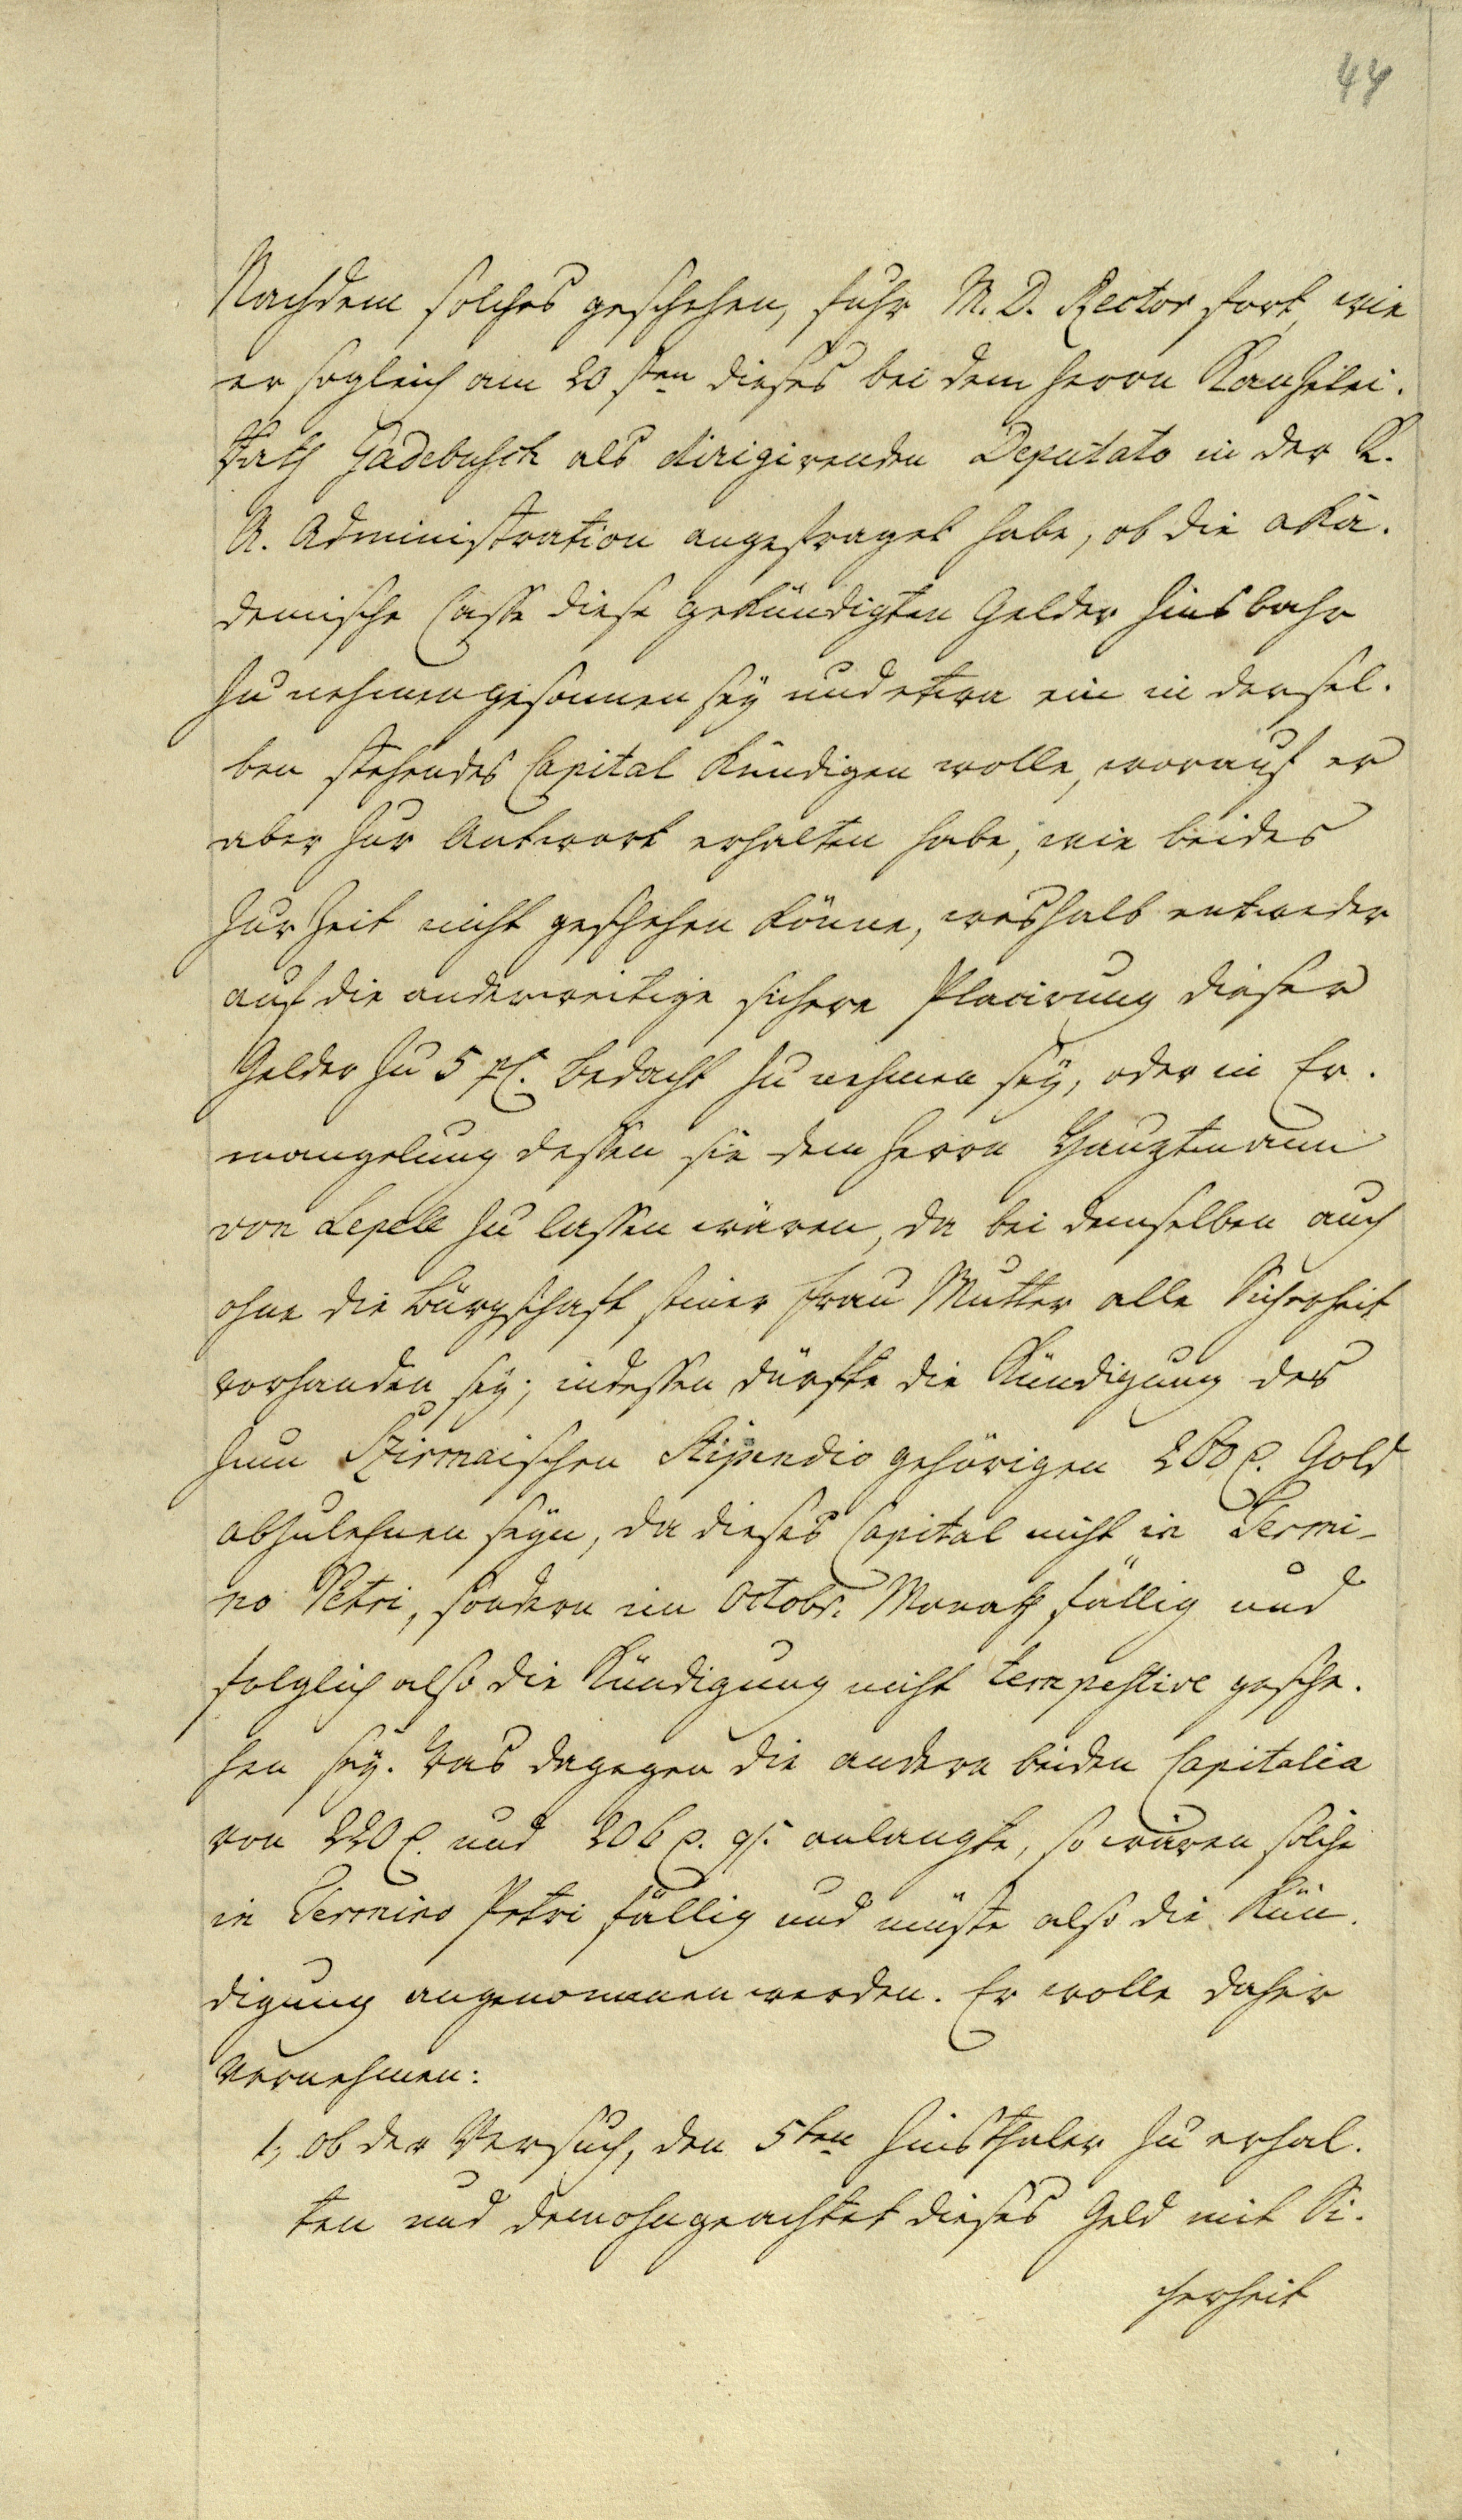Nachdem solches geschehen, für M. D. Rector fort, wie
er sogleich am 20 sten dieses bei dem Herrn Kanzelei—
Rath Gadebusch als dirigirenden Deputato in der K.
M. Administration angefraget habe, ob die aka¬
demische Casse diese gekündigten Gelder zinsbahr
zu nehmen gesonnen seÿ und etwa ein in dersel¬
ben stehendes Capital kündigen wolle, worauf er
aber zur Antwort erhalten habe, wie beides
zur Zeit nicht geschehen könne, weshalb entweder
auf die anderweitige sichere Placirung dieser
Gelder zu 5 pl. Bedacht zu nehmen seÿ, oder in Er¬
mangelung dessen sie dem Herrn Hauptmann
von Lepell zu lassen wären, da bei demselben auch
ohne die Bürgschaft seiner Frau Mutter alle Sicherheit
vorhanden seÿ, indessen dürfte die Kündigung der
zum Szirmaischen Stipendio gehörigen 260 l. Gold
abzulehnen seÿn, da dieses Capital nicht in Termi¬
no Petri, sondern im Octobr. Monath fällig und
folglich also die Kündigung nicht tempestive gesche¬
hen seÿ. Was dagegen die andern beiden Capitalia
von 220 l. und 206 l. 9 s. anlangte, so wären solche
in Termino Petri fällig und müßte also die Kün¬
digung angenommen werden. Er wolle daher
vernehmen:
1, ob der Versuch, den 5 ten Zinsthaler zu erhal¬
ten und demohngeachtet dieses Geld mit Si¬
cherheit